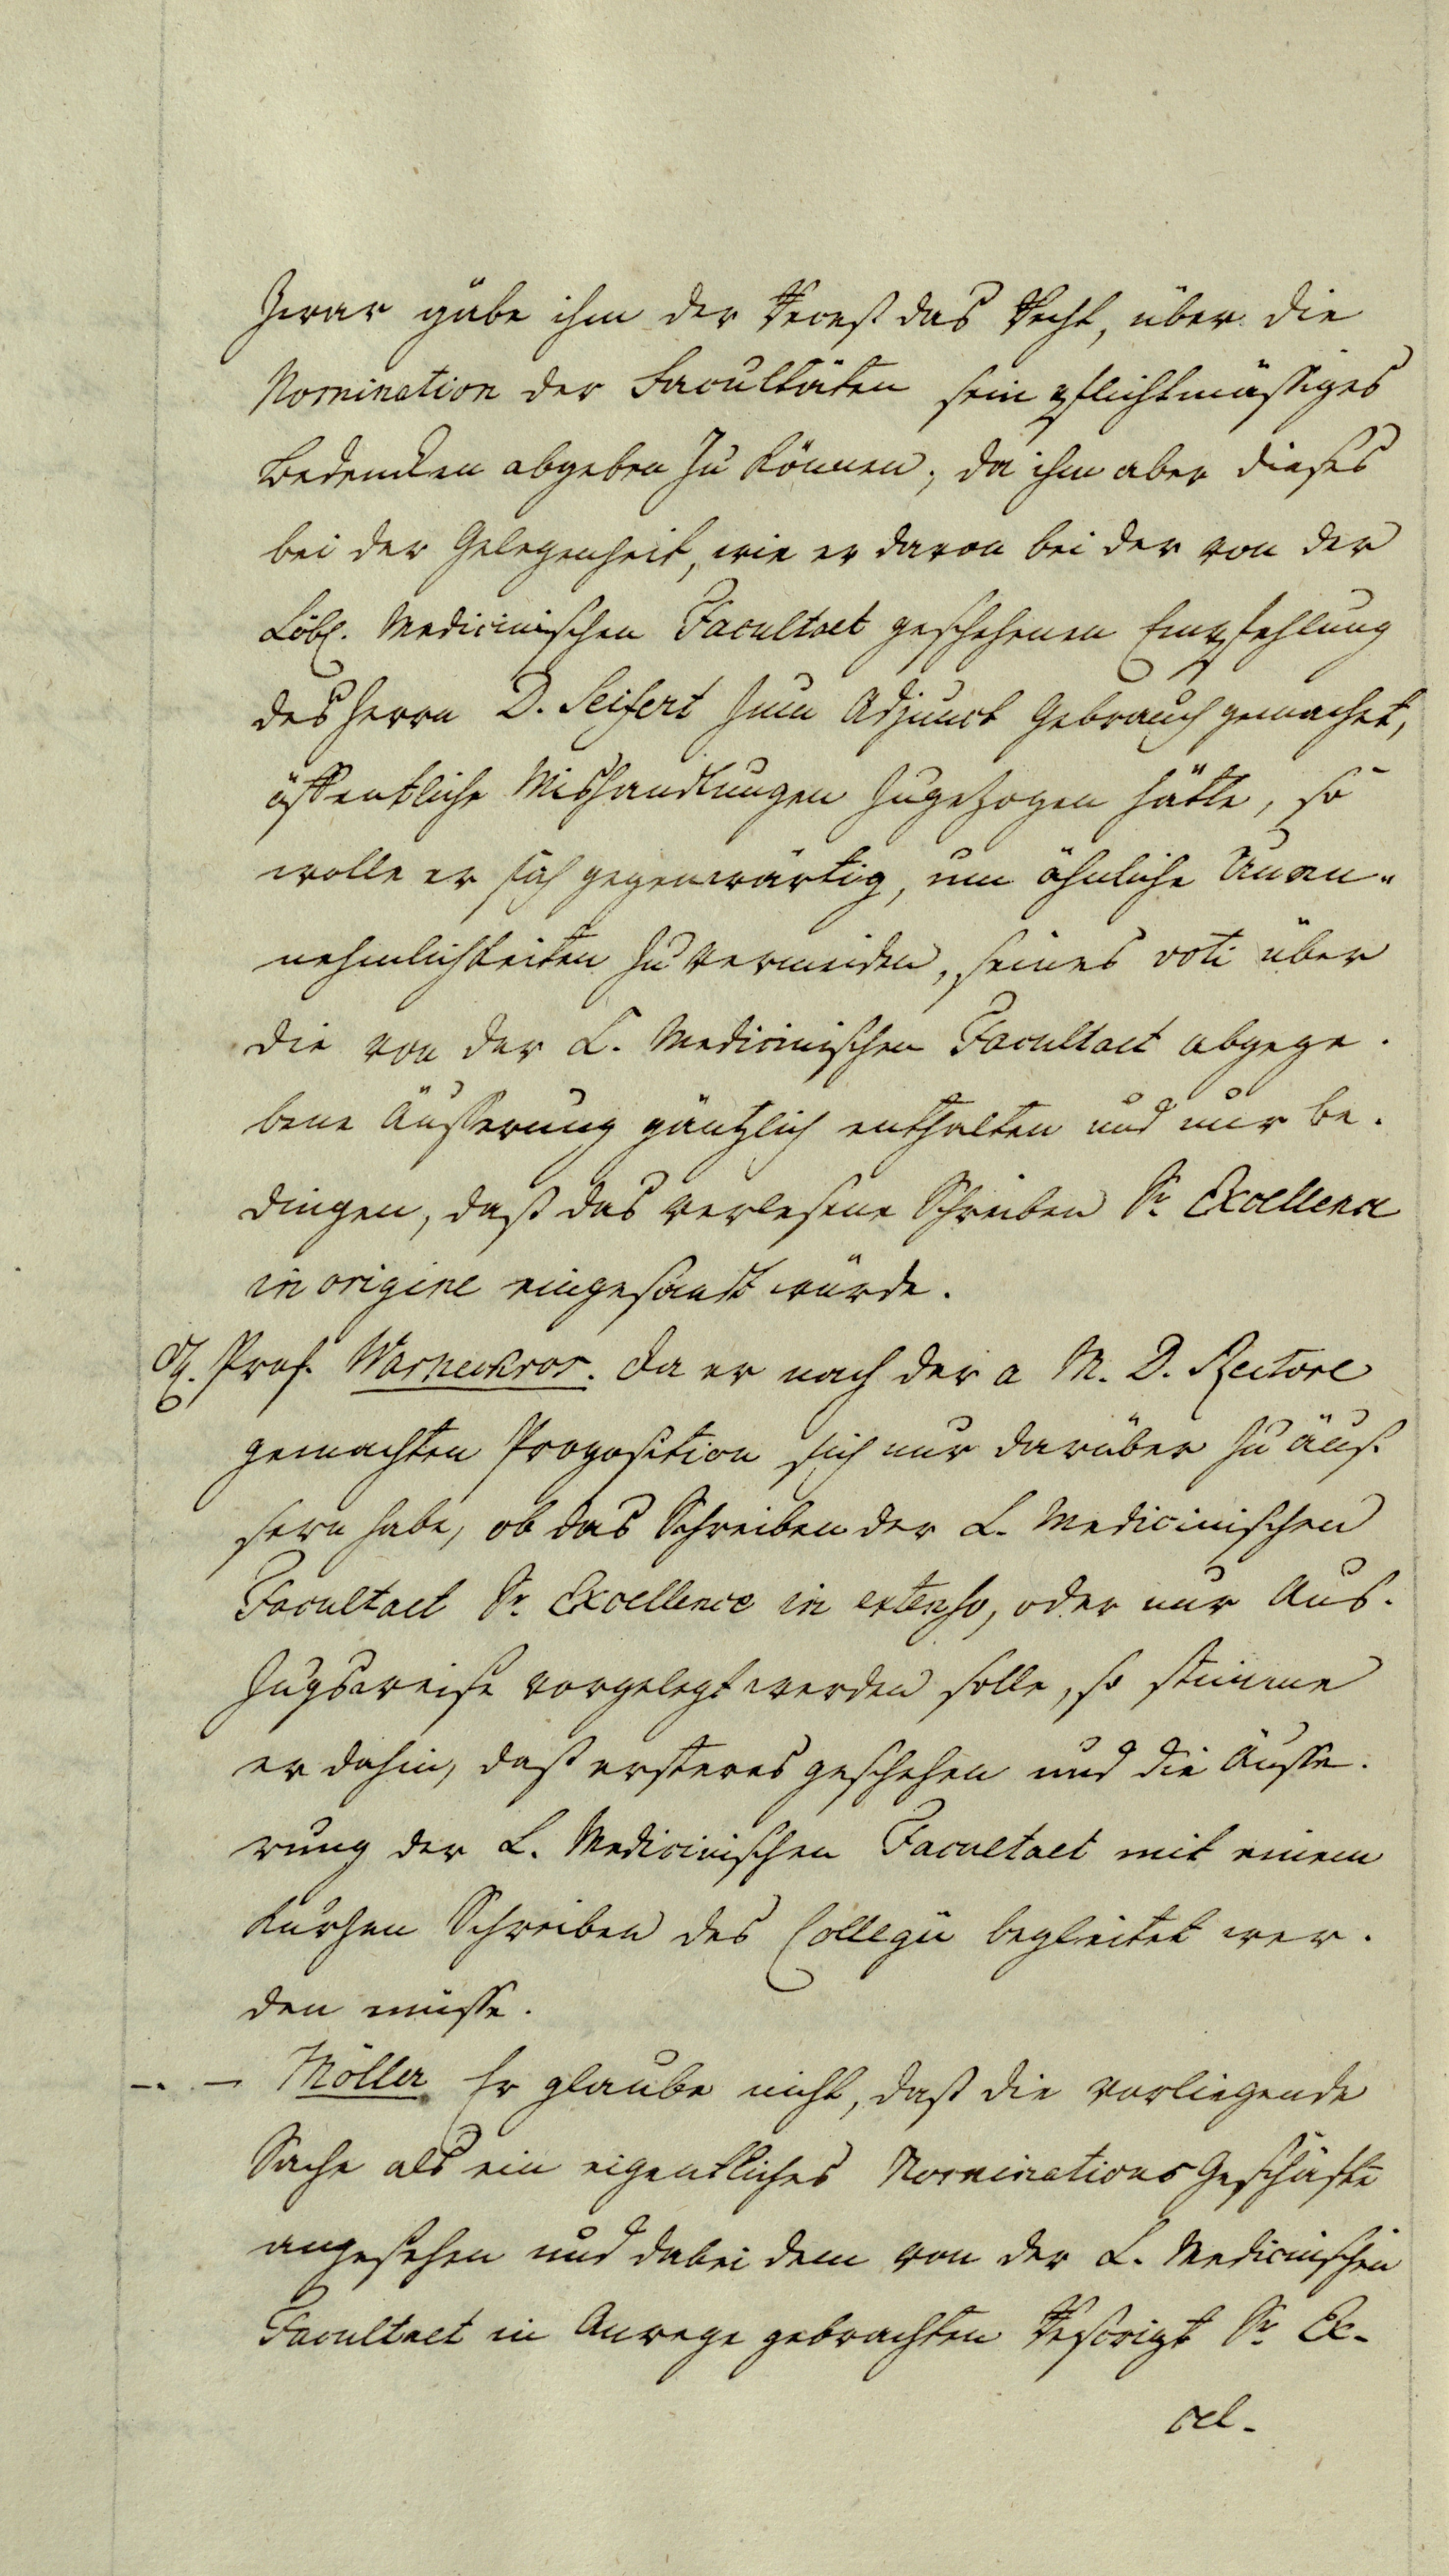Zwar gäbe ihm der Receß das Recht, über die
Nomination der Facultäten sein pflichtmässiges
Bedencken abgeben zu können, da ihm aber dieses
bei der Gelegenheit, wie er davon bei der von der
Löbl. Medicinischen Facultaet geschehenen Empfehlung
des Herrn D. Seifert zum Adjunct Gebrauch gemachet,
öffentliche Mishandlungen zugezogen hätte, so
wolle er sich gegenwärtig, um ähnliche Unan¬
nehmlichkeiten zu vermeiden, seines voti über
die von der L. Medicinischen Facultaet absgege¬
bene Äusserung gäntzlich enthalten und nur be¬
dingen, daß das verlesene Schreiben Sr Excellence
in origine eingesandt würde.
dh. Prof. Warneckros. Da er nach der a M. D. Rectore
gemachten Proposition sich nur darüber zu äus¬
sern habe, ob das Schreiben der L. Medicinischen
Facultaet Sr Excellence in extenso, oder nur Aus¬
zugsweise vorgelegt werden solle, so stimme
er dahin, daß ersteres geschehen und die Äusse¬
rung der L. Medicinischen Facultaet mit einem
kurzen Schreiben des Collegii begleitet wer¬
den müsse.
Möller. Er glaube nicht, daß die vorliegende
Sache als ein eigentliches NominationsGeschäfte
angesehen und dabei dem von der L. Medicinischen
Facultaet in Anrege gebrachten Rescript Sr Ex¬
cel¬